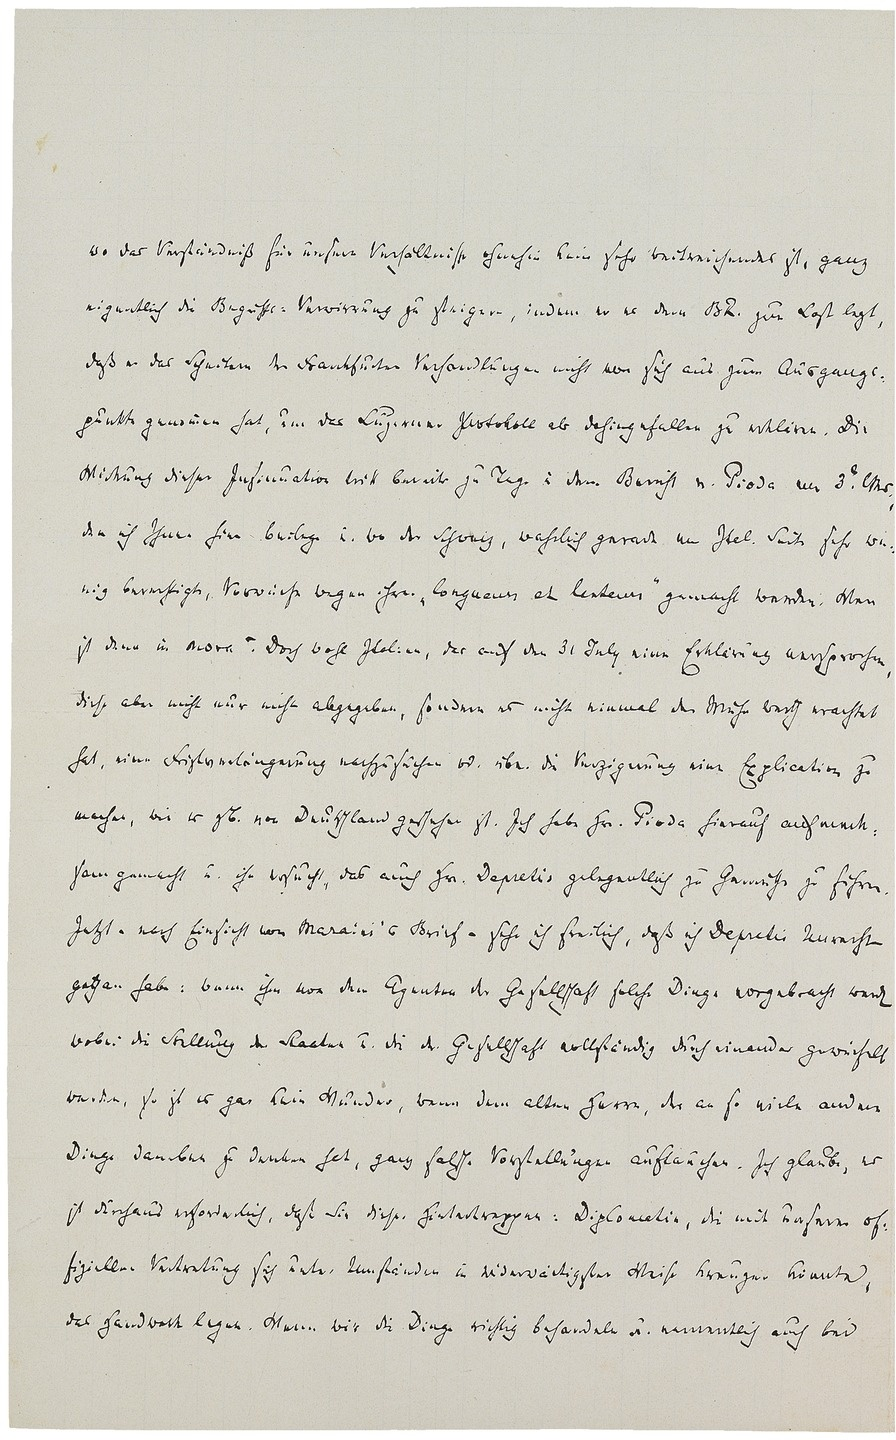wo das Verständniß für unsere Verhältnisse ohnehin kein sehr weitreichendes ist, ganz
eigentlich die Begriffs-Verwirrung zu steigern, indem er es dem BR. zur Last legt,
daß er das Schreiben der Frankfurter Verhandlungen nicht von sich aus zum Ausgangs-
punkte genommen hat, um das Luzerner Protokoll als dahingefallen zu erklären. Die
Wirkung dieser Insinuation tritt bereits zu Tage in dem Bericht v. Pioda vm 3t. lMs. ,
den ich Ihnen hier beilege u. wo der Schweiz, wahrlich gerade vn Ital. Seite sehr we-
nig berechtigte Vorwürfe wegen ihrer «longueurs et lenteurs» gemacht werden. Wer
ist denn in mora? Doch wohl Italien, das auf den 31. July eine Erklärung versprochen,
diese aber nicht nur nicht abgegeben, sondern es nicht einmal der Mühe werth erachtet
hat, eine Fristverlängerung nachzusuchen od. über die Verzögerung eine Explication zu
machen, wie es zB. von Deutschland geschehen ist. Ich habe Hr. Pioda hierauf aufmerk-
sam gemacht u. ihn ersucht, das auch Hr. Depretis gelegentlich zu Gemüthe zu führen.
Jetzt ­ nach Einsicht von Maraini's Brief ­ sehe ich freilich, daß ich Depretis Unrecht
gethan habe: wenn ihm von den Agenten der Gesellschaft solche Dinge vorgebracht werden
wobei die Stellung des Staates u. die der Gesellschaft vollständig durcheinander gewürfelt
werden, so ist es gar kein Wunder, wenn dem alten Herrn, der an so viele andere
Dinge daneben zu denken hat, ganz falsche Vorstellungen auftauchen. Ich glaube, es
ist durchaus erforderlich, daß Sie diese Hintertreppen-Diplomatie, die mit unserer of-
fiziellen Vertretung sich unter Umständen in widerwärtigster Weise kreuzen könnte,
das Handwerk legen. Wenn wir die Dinge richtig behandeln u. namentlich auch bei